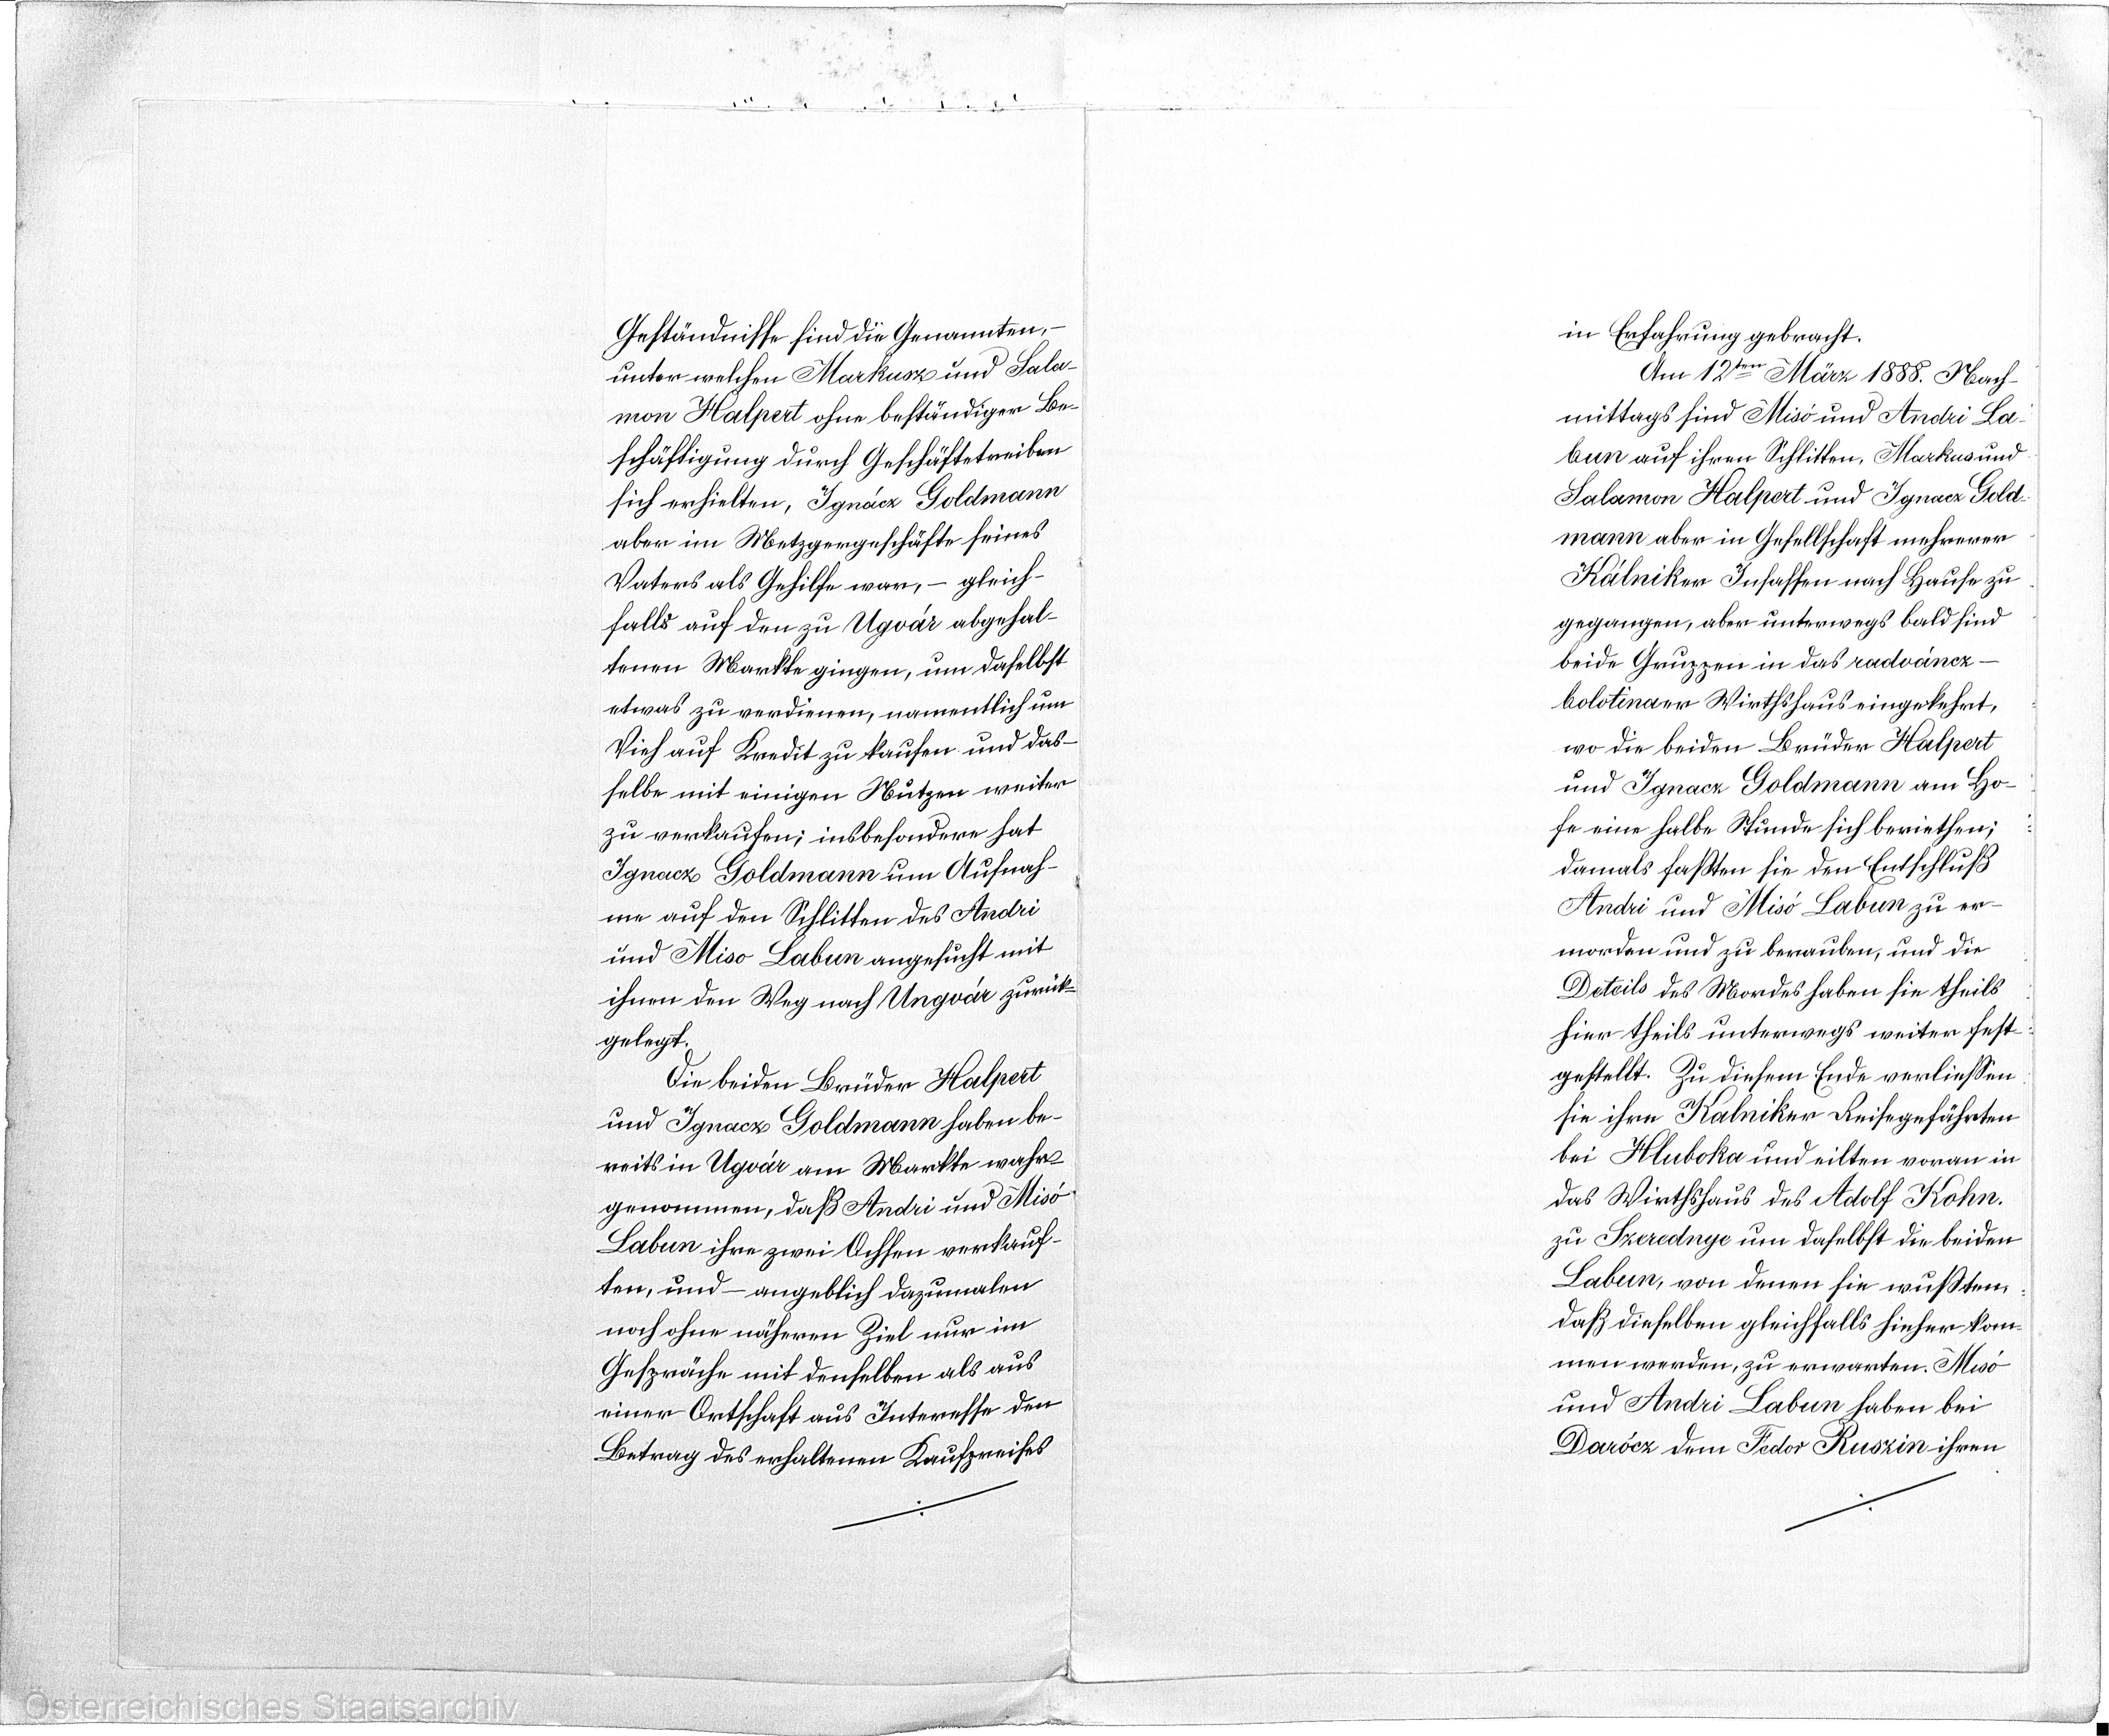Geständnisse sind die Genannten,-
unter welchen Markusz und Sala¬
mon Halpert ohne beständiger Be¬
schäftigung durch Geschäftetreiben
sich erhielten, Ignácz Goldmann
aber im Metzgergeschäfte seines
Vaters als Gehilfe war,- gleich¬
falls auf den zu Ugvár abgehal¬
tenen Markte gingen, um daselbst
etwas zu verdienen, namentlich um
Vieh auf Kredit zu kaufen und das¬
selbe mit einigen Nutzen weiter
zu verkaufen; insbesondere hat
Ignacz Goldmann um Aufnah¬
me auf den Schlitten des Andri
und Miso Labun angesucht mit
ihnen den Weg nach Ungvár zurück¬
gelegt.
Die beide Brüder Halpert
und Jgnacz Goldmann haben be¬
reits in Ugvár am Markte wahr¬
genommen, daß Andri und Misó
Labun ihre zwei Ochsen verkauf¬
ten, und - angeblich dazumalen
noch ohne näheren Ziel nur im
Gespräche mit denselben als aus
einer Ortschaft aus Interesse den
Betrag des erhaltenen Kaufpreises
in Erfahrung gebracht.
Am 12ten März 1888. Nach¬
mittags sind Misó und Andri La¬
bun auf ihren Schlitten, Markus und
Salamon Halpert und Jgnacz Gold¬
mann aber in Gesellschaft mehrerer
Kálniker Insassen nach Hause zu
gegangen, aber unterwegs bald sind
beide Gruppen in das radváncz¬
bolotinaer Wirthshauseingekehrt,
wo die beiden Brüder Halpert
und Jgnacz Goldmann am Ho¬
fe eine halbe Stunde sich beriethen;
damals faßten sie den Entschluß
Andri und Misó Labun zu er¬
morden und zu berauben, und die
Deteils des Mordes haben sie theils
hier theils unterwegs weiter fest¬
gestellt. Zu diesem Ende verließen
sie ihre Kalniker Reisegefährten
bei Hluboka und eilten voran in
das Wirthshaus des Adolf Kohn.
zu Szerednye um daselbst die beiden
Labun, von denen sie wußten,
daß dieselben gleichfalls hieher kom¬
men werden, zu erwanten. Misó
und Andri Labun haben bei
Darócz dem Fedor Ruszin ihren